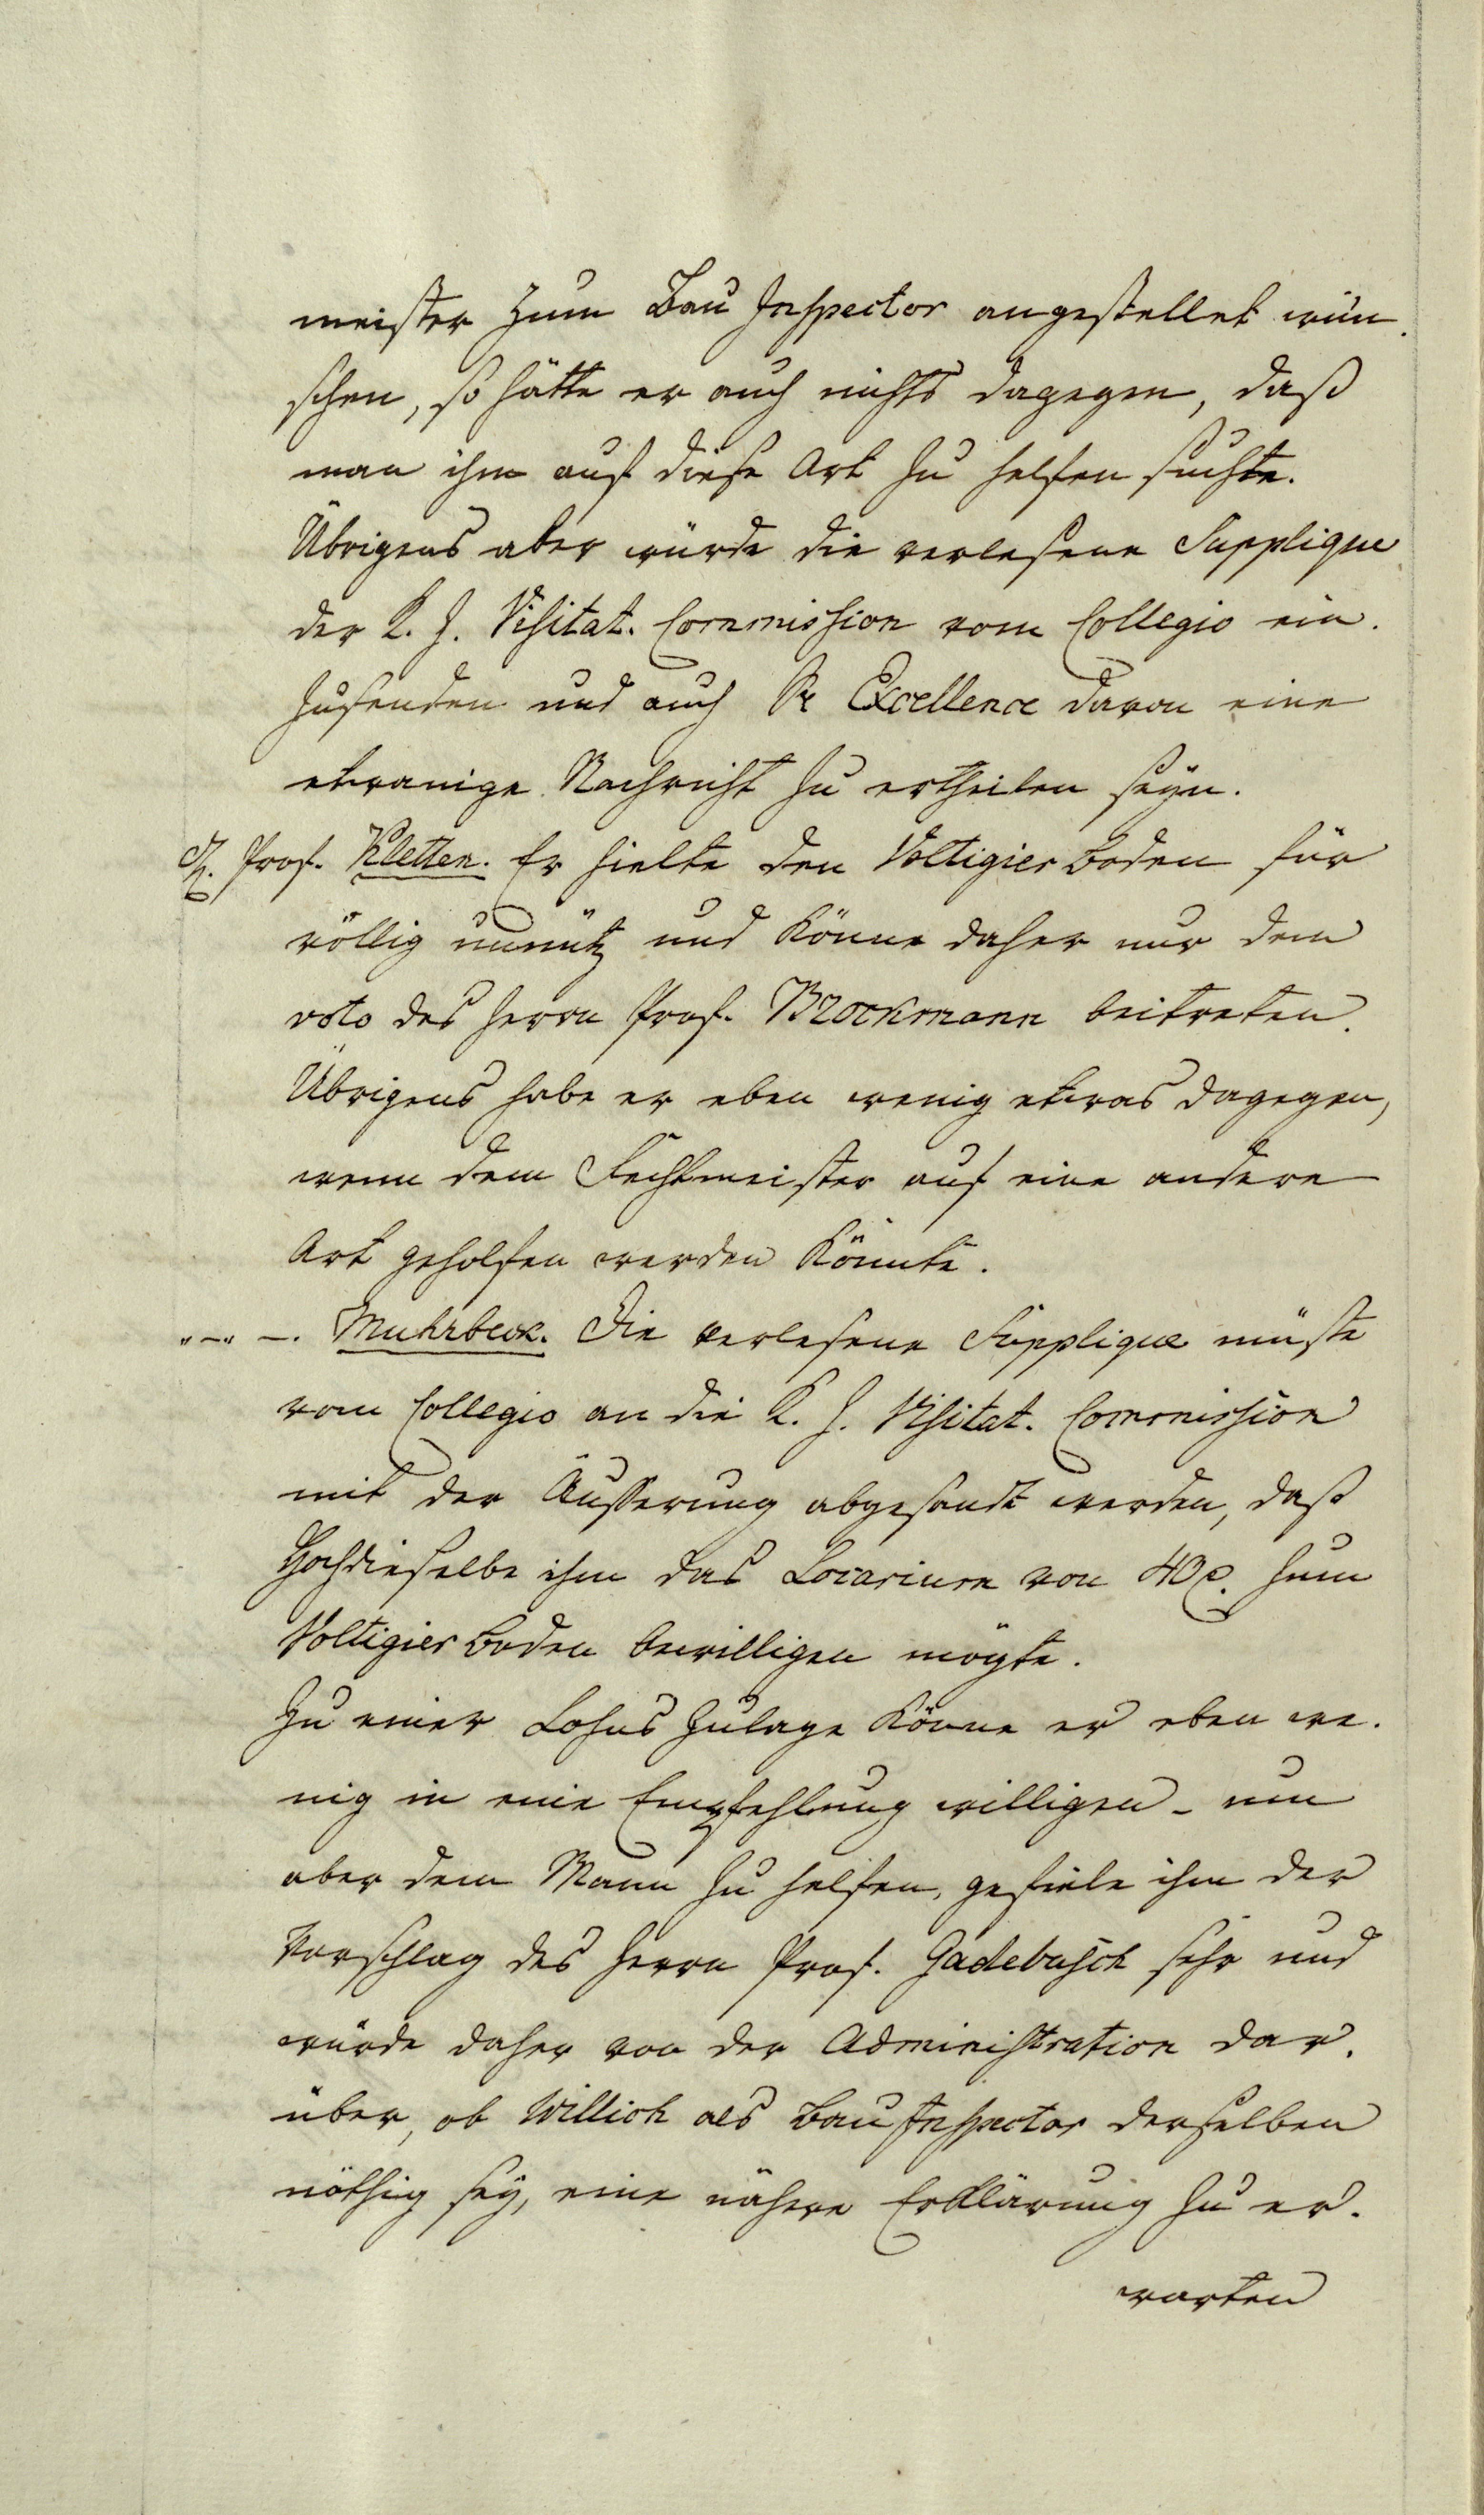meister zum Bau Inspector angestellet wün¬
schen, so hätte er auch nichts dagegen, daß
man ihm auf diese Art zu helfen suchte.
Übrigens aber würde die verlesene Supplique
der K. H. Visitat. Commission vom Collegio ein¬
zusenden und auch Sr. Excellence davon eine
etwanige Nachricht zu ertheilen seÿn.
dh. Prof. Kletten. Er hielte den Voltigier Boden für
völlig unnütz und könne daher nur dem
voto des Herrn Prof. Brockmann beitreten.
Übrigens habe er eben wenig etwas dagegen,
wenn dem Fechtmeister auf eine andere
Art geholfen werden könnte.
"—" — . Muhrbeck. Die verlesene Supplique müsste
vom Collegio an die K. H. Visitat. Commission
mit der Äußerung abgesandt werden, daß
Hochdieselbe ihm das Locarium von 40 rtl. zum
Voltigier Boden bewilligen möchte.
Zu einer Lohns Zulage könne er eben we¬
nig in eine Empfehlung willigen — um
aber dem Mann zu helfen, gefiele ihm der
Vorschlag des Herrn Prof. Gadebusch sehr und
würde daher von der Administration dar¬
über, ob Willich als Bau Inspector derselben
nöthig seÿ, eine nähere Erklärung zu er¬
warten